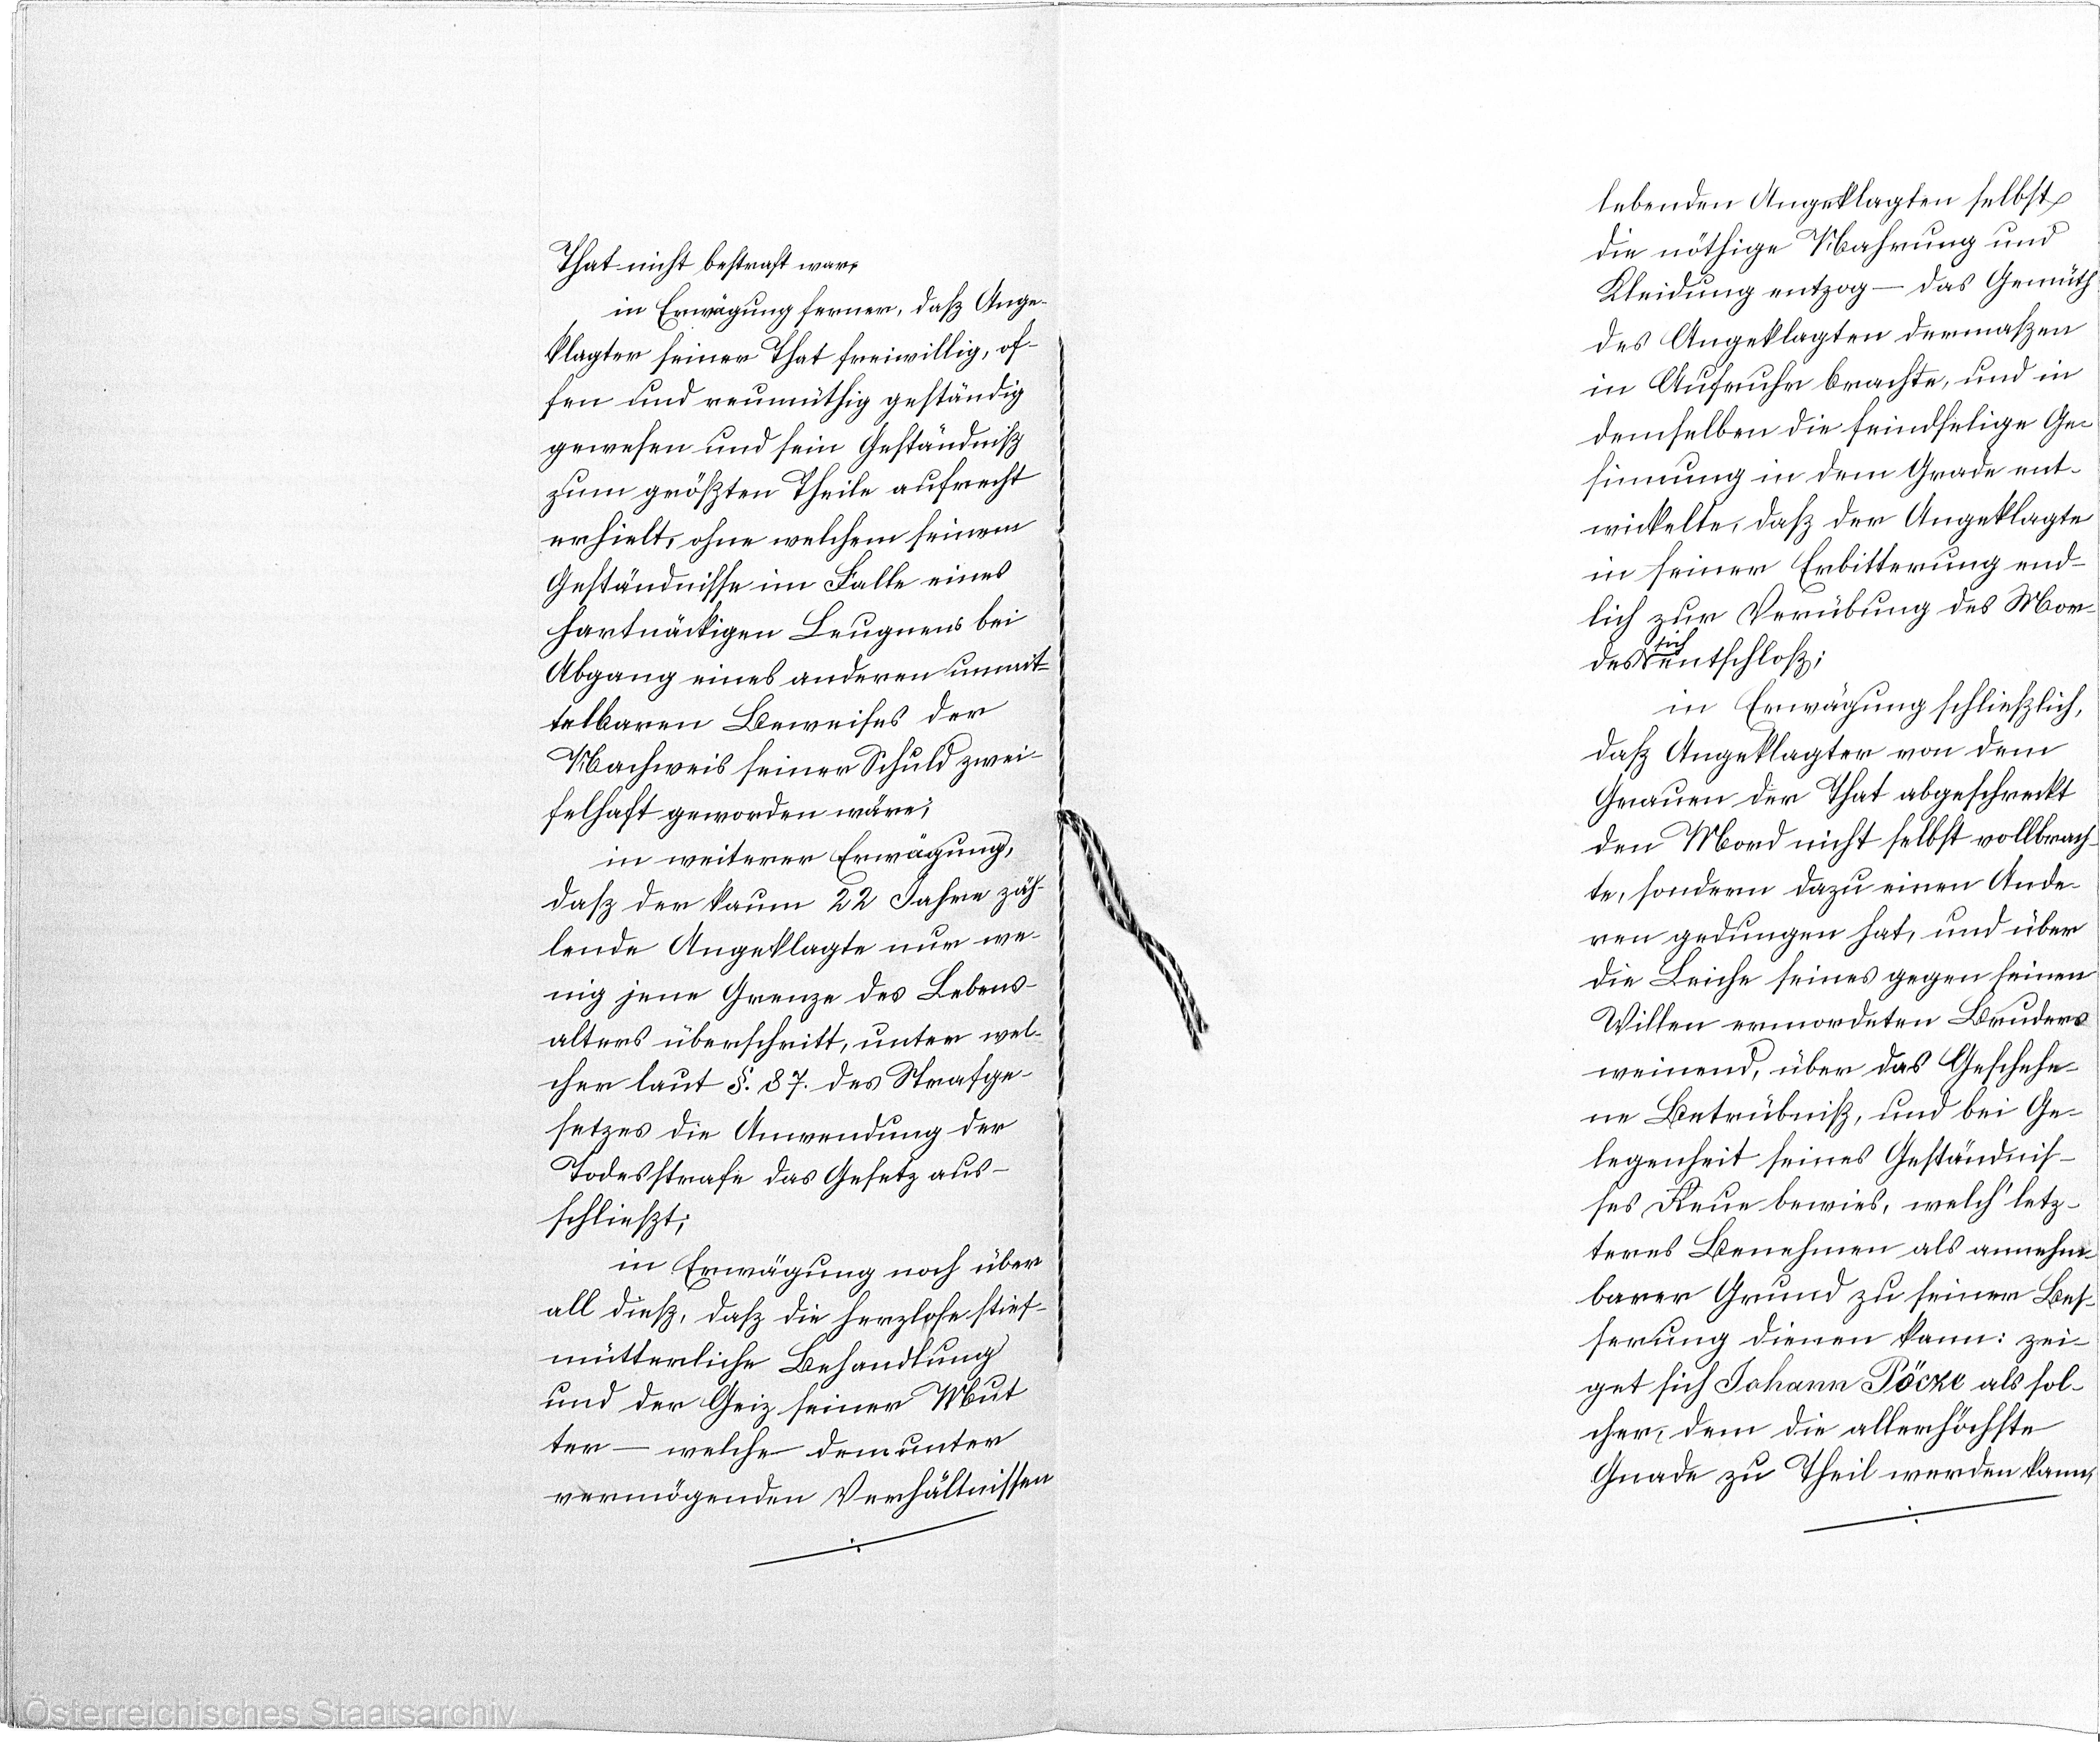That nicht bestraft war.
In Erwägung ferner, daß Ange¬
klagter seiner That freiwillig, of¬
fen und reumüthig geständig
gewesen und sein Geständniß
zum größten Theile aufrecht
erhielt, ohne welchem seinem
Geständnisse im Falle eines
hartnäckigen Leugnens bei
Abgang eines anderen unmit¬
telbaren Beweises der
Nachweis seiner Schuld zwei¬
felhaft geworden wäre;
In weiterer Erwägung,
daß der kaum 22 Jahre zäh¬
lende Angeklagte nur we¬
nig jene Grenze des Lebens¬
alters überschritt, unter wel¬
cher laut §87 des Strafge¬
setzes die Anwendung der
Todesstrafe das Gesetz aus¬
schließt;
In Erwägung noch über
all dieß, daß die herzlose stief¬
mütterliche Behandlung
und der Geiz seiner Mut¬
ter – welche dem unter
vermögenden Verhältnissen
lebenden Angeklagten selbst
die nöthige Nahrung und
Kleidung entzog – das Gemüth
des Angeklagten dermaßen
in Aufruhe brachte, und in
demselben die feindselige Ge¬
sinnung in dem Grade ent¬
wickelte, daß der Angeklagte
in seiner Erbitterung end¬
lich zur Verübung des Mor¬
sich
des enthschloß;
In Erwägung schließlich,
daß Angeklagter von dem
Grauen der That abgeschreckt
den Mord nicht selbst vollbrach¬
te, sondern dazu einer Ande¬
ren gedungen hat, und über
die Leiche seines gegen seinen
Wilen ermordeten Bruders
weinend, über das Geschehe¬
ne Betrübniß, und bei Ge¬
legenheit seines Geständnis¬
ses Reue bewies, welch’ letz¬
teres Benehmen als annehm¬
barer Grund zu seiner Bes¬
serung dienen kann: zei¬
get sich Johann Pöcze als sol¬
cher, dem die allerhöchste
Gnade zu Theil werden kann